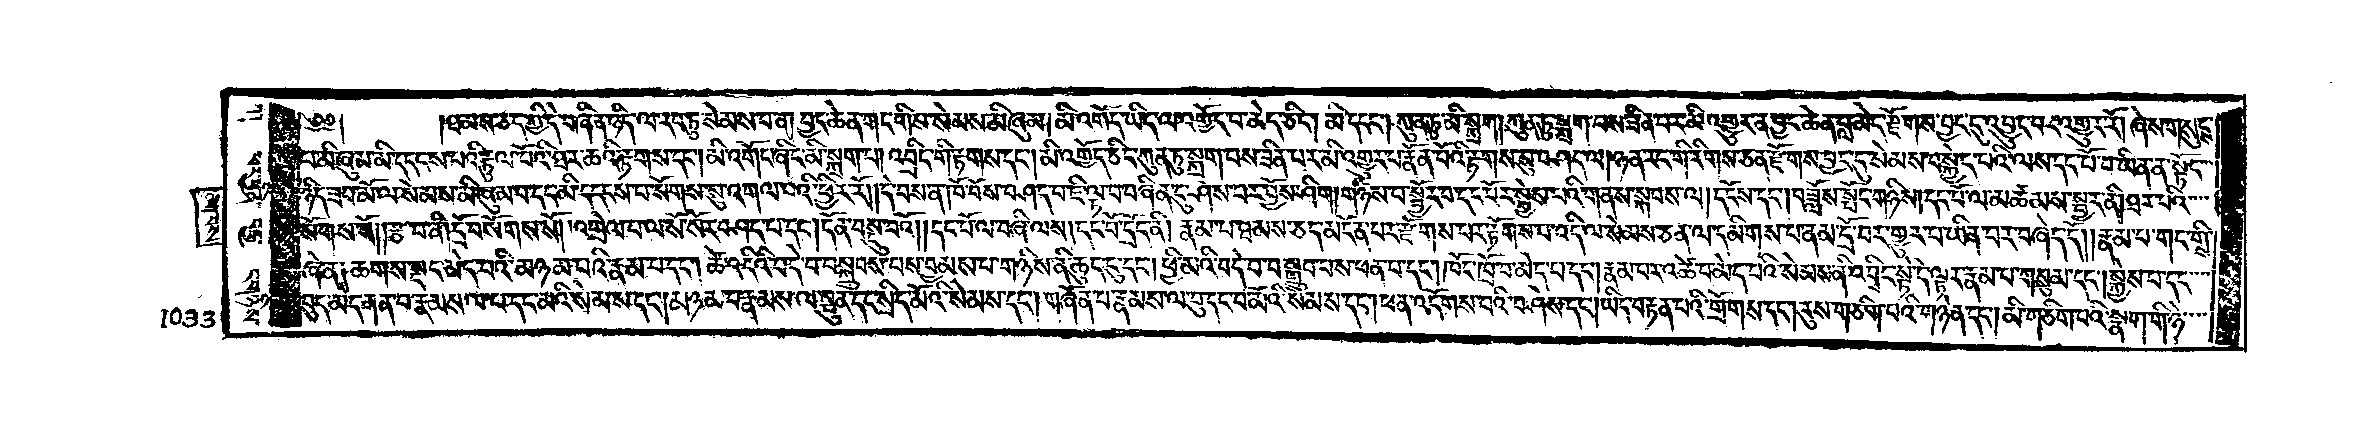༄༅། །ཐམས་ཅད་ཀྱི་དེ་བཞིན་ཉིད་ལ་རབ་ཏུ་སེམས་པ་ན། བྱང་ཆེན་གང་གིས་སེམས་མི་ཞུམ། མི་འགོད་ཡིད་ལ་འགྱོད་པ་མེད་ཅིང་། མི་དངང་། ཀུན་ཏུ་མི་སྐྲག །ཀུན་ཏུ་སྐྲག་པས་ཟིན་པར་མི་འགྱུར་ན་བྱང་ཆེན་བླ་མེད་རྫོགས་བྱང་དུ་འབྱུང་བར་འགྱུར་རོ། ཞེས་གསུངས་
པ་མི་ཞུམ་མི་དངངས་པའི་རྟུལ་པོའི་ཐར་ཆའི་རྟགས་དང་། མི་འགོང་ཞིང་མི་སྐྲག་པ། འབྲིང་གི་རྟགས་དང་། མི་འགྱོད་ཅིང་ཀུན་ཏུ་སྐྲག་པས་ཟིན་པར་མི་འགྱུར་པ་རྣོན་པོའི་རྟགས་སུ་བཤད་ལ། ཉན་རང་གི་རིགས་ཅན་རྫོགས་བྱང་དུ་སེམས་བསྐྱེད་པའི་ལས་དང་པོ་བ་ཡིན་ན་སྟོང་
ཉིད་ཟབ་མོ་ལ་སེམས་མི་ཞུམ་པ་དང་མི་དངངས་པ་སོགས་སུ་འགལ་བའི་ཕྱིར་རོ། །དེ་བས་ན་ཁོ་བོས་བཤད་པ་ཇི་ལྟ་བ་བཞིན་དུ་ཤེས་པར་བྱོས་ཤིག །གཉིས་པ་སྦྱོར་བ་དང་པོར་སྐྱེས་པའི་གནས་སྐབས་ལ། དངོས་དང་། བཟློས་སྤོང་གཉིས། དང་པོ་ལ་མཚམས་སྦྱར་ནི། ཐར་པའི་
སོགས་སོ། །རྩ་བ་ནི། དྲོ་བ་སོགས་སོ། །འགྲེལ་པ་ལ་སོ་སོར་བཤད་པ་དང་། དོན་བསྡུ་བའོ། །དང་པོ་ལ་བཞི་ལས། དང་པོ་དྲོད་ནི། རྣམ་པ་ཐམས་ཅད་མངོན་པར་རྫོགས་པར་རྟོགས་པ་འདི་ལ་སེམས་ཅན་ལ་དམིགས་པ་ནམ་དྲོ་བར་གྱུར་པ་ཡིན་པར་བཞེད་དོ། །རྣམ་པ་གང་གིས་
ཞེ་ན། ཆགས་སྡང་མེད་པའི་མཉམ་པའི་རྣམ་པ་དང་། ཚེ་འདིའི་བདེ་བ་བསྒྲུབས་པས་བྱམས་པ་གཉིས་ནི་ཆུང་ངུ་དང་། ཕྱི་མའི་བདེ་བ་བསྒྲུབ་པས་ཕན་པ་དང་། ཁོང་ཁྲོ་བ་མེད་པ་དང་། རྣམ་པར་འཚེ་བ་མེད་པའི་སེམས་ནི་འབྲིང་སྟེ་དེ་ལྟར་རྣམ་པ་གསུམ་དང་། སྐྱེས་པ་དང་
བུད་མེད་རྒན་པ་རྣམས་ལ་ཕ་དང་མའི་སེམས་དང་། མཉམ་པ་རྣམས་ལ་སྤུན་དང་སྲིད་མོའི་སེམས་དང་། གཞོན་པ་རྣམས་ལ་བུ་དང་བ་མོའི་སེམས་དང་། ཕན་འདོགས་པའི་བཤེས་དང་། ཡིད་བརྟན་པའི་གྲོགས་དང་། རུས་གཅིག་པའི་གཉེན་དང་། མི་གཅིག་པའི་སྣག་གི་ཉེ་